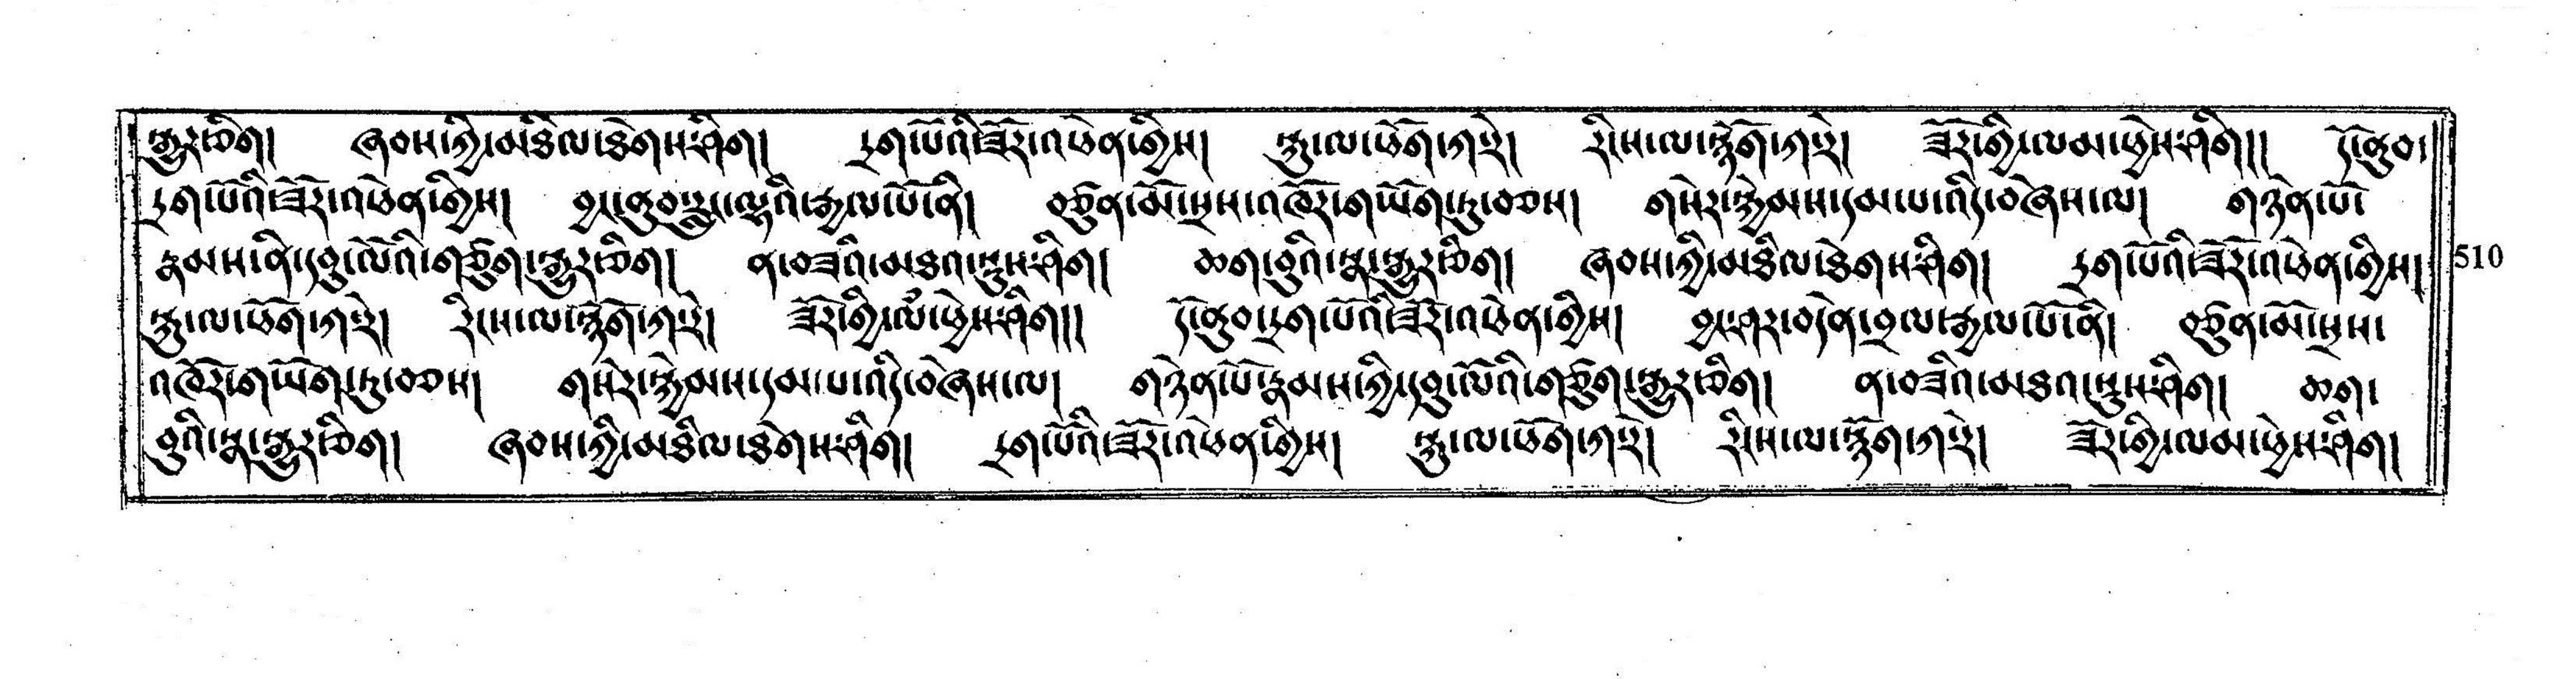སྒྱུར་ཅིག ཞབས་ཀྱི་མཐིལ་ཐེགས་ཤིག དྲག་པོའི་ཟོར་འཕེན་གྱིས། སྐུ་ལ་ཕོག་ཀ་རེ། རིངས་ལ་སྙོག་ཀ་རེ། ཟོར་གྱི་ལམ་ཕྱེས་ཤིག །།དོ་ནུབ་
དྲག་པོའི་ཟོར་འཕེན་གྱིས། བྱང་ནུབ་རླུང་ལྷའི་རྒྱལ་པོ་ནི། བཙུན་མོ་སྲས་འཁོར་གཡོག་ཏུ་བཅས། གསེར་སྐྱེམས་དམ་པ་འདི་བཞེས་ལ། གཉེན་པོ་
རྣམས་ནི་དབུ་ལོའི་གཙུག་སྒྱུར་ཅིག ན་བཟའི་མཐའ་སྡུས་ཤིག ཆག་བུའི་སྣ་སྒྱུར་ཅིག ཞབས་ཀྱི་མཐིལ་ཐེགས་ཤིག དྲག་པོའི་ཟོར་འཕེན་གྱིས། 
སྐུ་ལ་ཕོག་ཀ་རེ། རིངས་ལ་སྙོག་ཀ་རེ། ཟོར་གྱི་ལམ་ཕྱེས་ཤིག །།དོ་ནུབ་དྲག་པོའི་ཟོར་འཕེན་གྱིས། བྱང་ཤར་བདེན་བྲལ་རྒྱལ་པོ་ནི། བཙུན་{525}མོ་སྲས་
འཁོར་གཡོག་ཏུ་བཅས། གསེར་སྐྱེམས་དམ་པ་འདི་བཞེས་ལ། གཉེན་པོ་རྣམས་ཀྱི་དབུ་ལོའི་གཙུག་སྒྱུར་ཅིག ན་བཟའི་མཐའ་སྡུས་ཤིག ཆག་
བུའི་སྣ་སྒྱུར་ཅིག ཞབས་ཀྱི་མཐིལ་ཐེགས་ཤིག དྲག་པོའི་ཟོར་འཕེན་གྱིས། སྐུ་ལ་ཕོག་ཀ་རེ། རིངས་ལ་སྙོག་ཀ་རེ། ཟོར་གྱི་ལམ་ཕྱེས་ཤིག །།